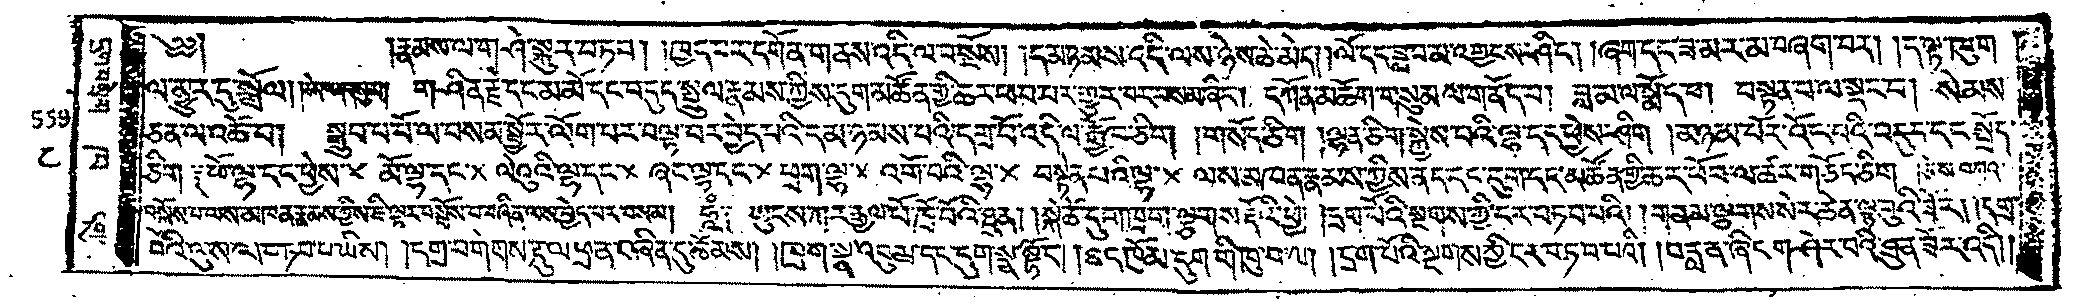༄༅། །རྣམས་ལ་གཤེ་སྐུར་བཏབ། །ཁྱད་པར་དགོན་གནས་འདི་ལ་བསྔོས། །དམ་ཉམས་འདི་ལས་ཉེས་ཆེ་མེད། །ལོ་དང་ཟླ་བ་མ་འགྱངས་ཤིང་། །ཞག་དང་ཟ་མར་མ་བཞག་བར། །ད་ལྟ་ཁུག་
ལ་མྱུར་དུ་སྒྲོལ། །ཅེས་ལན་གསུམ།  གཤིན་རྗེ་དང་མ་མོ་དང་བདུད་སྤྲུལ་རྣམས་ཀྱིས་དུག་མཚོན་གྱི་ཆར་ཕབ་པར་གྱུར་པར་བསམ་ཞིང་། དཀོན་མཆོག་གསུམ་ལ་གནོད་པ། བླ་མ་ལ་སྨོད་ཕ། བསྟན་པ་ལ་སྡང་བ། སེམས་
ཅན་ལ་འཚེ་བ། སྒྲུབ་པ་པོ་ལ་བསམ་སྦྱོར་ལོག་པར་བལྟ་བར་བྱེད་པའི་དམ་ཉམས་པའི་དགྲ་བོ་འདི་ལ་རྒྱོབ་ཅིག །གསོད་ཅིག །ལྷན་ཅིག་སྐྱེས་པའི་ལྷ་དང་ཕྱེས་ཤིག །མཉམ་པོར་འོང་བའི་བདུད་དང་སྤྲོད་
ཅིག ༑ཕོ་ལྷ་དང་ཕྱེས་྾་མོ་ལྷ་དང་྾་ལེའུའི་ལྷ་དང་྾་ཞང་ལྷ་དང་྾་ཕྲག་ལྷ་྾་འགོ་བའི་ལྷ་྾་བསྟེན་པའི་ལྷ་྾་ལས་མཁན་རྣམས་ཀྱིས་ནད་དང་དུག་དང་མཚོན་གྱིས་ཆར་ཕོབ་ལ་ཚར་གཅོད་ཅིག །ཅེས་བཀའ་
བསྐོས་པ་ལས་མཁན་རྣམས་ཀྱིས་ཇི་ལྟར་བསྒོས་པ་བཞིན་ལས་བྱེད་པར་བསམ། ཧཱུཾ༑ཡུངས་ཀར་རྒྱལ་པོ་ཁྲོ་བོའི་ཐུན། །སྐེ་ཚེ་དུག་ཁྲག་ལྕགས་རྡོའི་ཕྱེ། །དྲག་པོའི་སྔགས་ཀྱི་དར་བཏབ་པའི། །གནམ་ལྕགས་སེར་ཆེན་ལྟ་བུའི་ཟོར། །དགྲ་
བོའི་ལུས་ལ་བཏབ་པ་ཡིས། །དགྲ་བགེགས་རྡུལ་ཕྲན་བཞིན་དུ་ཚོམས། །ཁྲག་སྣ་འབུམ་དང་དུག་སྣ་སྟོང་། །ཐད་ཁྲོམ་དུག་གི་ཀུ་བ་ལ། །དྲག་པོའི་སྔགས་ཀྱི་ངར་བཏབ་པའི། །བརླན་ཞིང་གཤེར་བའི་ཐུན་ཟོར་འདི།།